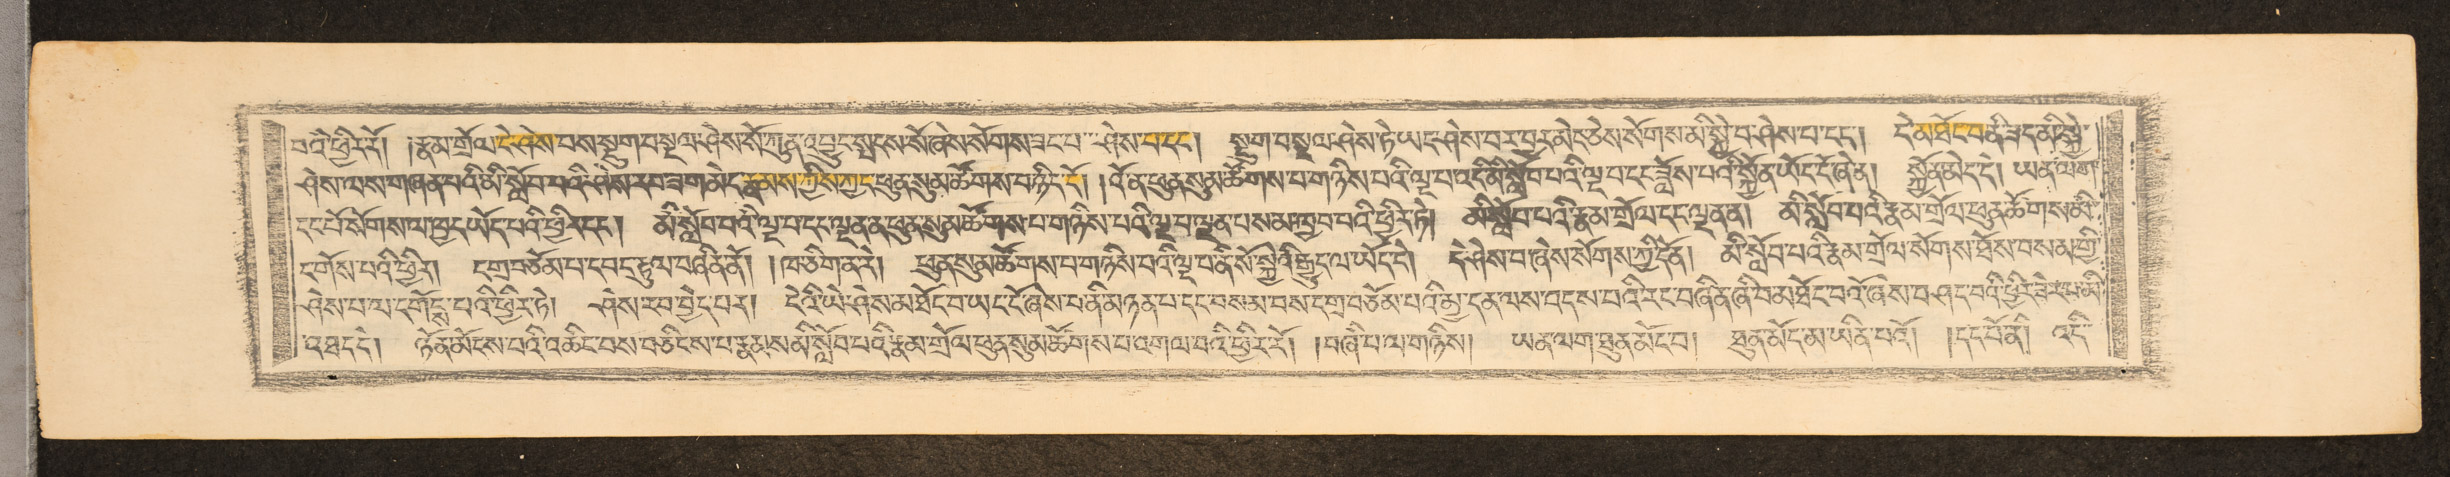པའི་ཕྱིར་རོ། །རྣམ་གྲོལ་དེ་ཤེས་པས་སྡུག་བསྔལ་ཤེས་སོ་ཀུན་འབྱུང་སྤངས་སོ་ཞེས་སོགས་ཟད་པ་ཤེས་པ་དང་། སྡུག་བསྔལ་ཤེས་ཏེ་ཡང་ཤེས་པར་བྱར་མེད་ཅེས་སོགས་མི་སྐྱེ་བ་ཤེས་པ་དང་། དེ་མཐོང་བ་ནི་ཟད་མི་སྐྱེ་
ཤེས་ལས་གཞན་པའི་མི་སློབ་པའི་ཤེས་རབ་ཟག་མེད་རྣམས་ཀྱིས་ཀྱང་ཕུན་སུམ་ཚོགས་པ་ཉིད་དོ། །འོ་ན་ཕུན་སུམ་ཚོགས་པ་གཉིས་པའི་ལྔ་པ་འདི་མི་སློབ་པའི་ལྔ་པ་དང་ཟློས་པའི་སྐྱོན་ཡོད་དོ་ཞེ་ན། སྐྱོན་མེད་དེ། ཡན་ལག་
དང་པོ་སོགས་ལ་ཁྱད་ཡོད་པའི་ཕྱིར་དང་། མི་སློབ་པའི་ལྔ་པ་དང་ལྡན་ན་ཕུན་སུམ་ཚོགས་པ་གཉིས་པའི་ལྔ་པ་ལྡན་པས་མ་ཁྱབ་པའི་ཕྱིར་ཏེ། མི་སློབ་པའི་རྣམ་གྲོལ་དང་ལྡན་ན། མི་སློབ་པའི་རྣམ་གྲོལ་ཕུན་ཚོགས་མི་
དགོས་པའི་ཕྱིར། དགྲ་བཅོམ་པ་དབང་རྟུལ་བཞིན་ནོ། །ཁ་ཅིག་ན་རེ། ཕུན་སུམ་ཚོགས་པ་གཉིས་པའི་ལྔ་པ་ནི་སོ་སྐྱེའི་རྒྱུད་ལ་ཡོད་དེ། དེ་ཤེས་པ་ཞེས་སོགས་ཀྱི་དོན། མི་སློབ་པའི་རྣམ་གྲོལ་སོགས་ཐོས་བསམ་གྱི་
ཤེས་པ་ལ་དགོངས་པའི་ཕྱིར་ཏེ། ཤེས་རབ་བྱེད་པར། དེའི་ཡེ་ཤེས་མཐོང་བ་ཡང་ངོ་ཞེས་པ་ནི་མཉན་པ་དད་བསམ་པས་དགྲ་བཅོམ་པའི་མྱ་ངན་ལས་འདས་པའི་རང་བཞིན་ཞི་བ་མཐོང་བའོ་ཞེས་བཤད་པའི་ཕྱིར་ཟེར་བ་མི་
འཐད་དེ། ཉོན་མོངས་པའི་འཆིང་བས་བཅིངས་པ་རྣམས་མི་སློབ་པའི་རྣམ་གྲོལ་ཕུན་སུམ་ཚོགས་པ་འགལ་བའི་ཕྱིར་རོ། །བཞི་པ་ལ་གཉིས། ཡན་ལག་ཐུན་མོང་བ། ཐུན་མོང་མ་ཡིན་པའོ། །དང་པོ་ནི། འདི་